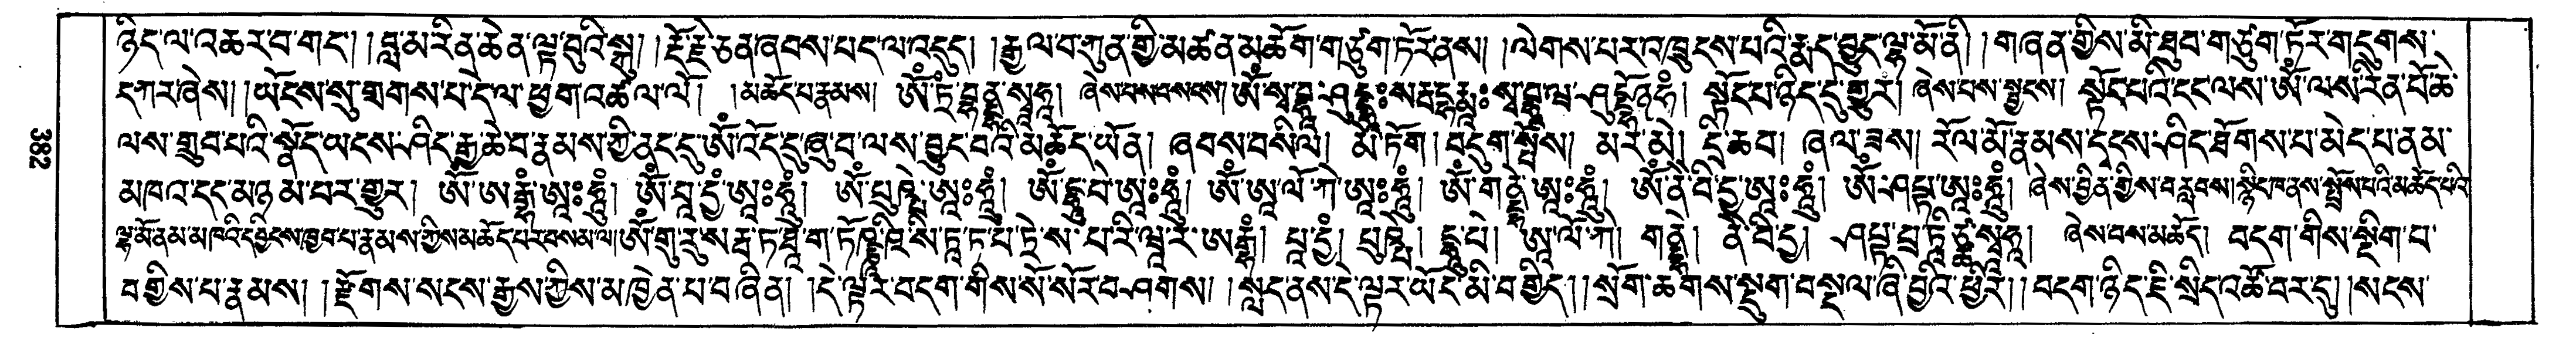ཉིད་ལ་འཆར་བ་གང་། །བླ་མ་རིན་ཆེན་ལྟ་བུའི་སྐུ། །རྡོ་རྗེ་ཅན་ཞབས་པད་ལ་འདུད། །རྒྱལ་བ་ཀུན་གྱི་མཚན་མཆོག་གཙུག་ཏོར་ནས། །ལེགས་པར་འཁྲུངས་པའི་རྨད་བྱུང་ལྷ་མོ་ནི། །གཞན་གྱིས་མི་ཐུབ་གཙུག་ཏོར་གདུགས་
དཀར་ཞེས། །ཡོངས་སུ་གྲགས་པ་དེ་ལ་ཕྱག་འཚལ་ལོ། །མཆོད་པ་རྣམས། ཨོཾ་ཏྲཾ་བྷནྡྷ་སྭཱཧཱ། ཞེས་པས་བསངས། ཨོཾ་སྭ་བྷཱ་ཤུདྡྷཿསརྦ་དྷརྨཱཿསྭ་བྷཱ་ཝ་ཤུདྡྷོཉཧཾ། སྟོང་བ་ཉིད་དུ་གྱུར། ཞེས་བས་སྦྱངས། སྟོང་བའི་ངང་ལས་ཨོཾ་ལས་རིན་པོ་ཆེ་
ལས་གྲུབ་པའི་སྣོད་ཡངས་ཤིང་རྒྱ་ཆེ་བ་རྣམས་ཀྱི་ནང་དུ་ཨོཾ་འོད་དུ་ཞུ་བ་ལས་བྱུང་བའི་མཆོད་ཡོན། ཞབས་བསིལ། མེ་ཏོག །བདུག་སྤོས། མར་མེ། དྲི་ཆབ། ཞལ་ཟས། རོལ་མོ་རྣམས་དྭངས་ཤིང་ཐོགས་བ་མེད་བ་ནམ་
མཁའ་དང་མཉམ་པར་གྱུར། ཨོཾ་ཨརྒྷཾ་ཨཱཿཧཱུཾ། ཨོཾ་བཱ་དྱཾ་ཨཱཿཧཱུཾ། ཨོཾ་པུཥྤེ་ཨཱཿཧཱུཾ། ཨོཾ་དྷཱུ་པེ་ཨཱཿཧཱུཾ། ཨོཾ་ཨཱ་ལོ་ཀེ་ཨཱཿཧཱུཾ། ཨོཾ་གནྡྷ་ཨཱཿཧཱུཾ། ཨོཾ་ནཻ་བིདྱ་ཨཱཿཧཱུཾ། ཨོཾ་ཤཔྟ་ཨཱཿཧཱུཾ། ཞེས་བྱིན་གྱིས་བརླབས། སྙིང་ཁ་ནས་སྤྲོས་བའི་མཆོད་པའི་
ལྷ་མོ་ནམ་མཁའི་དབྱིངས་ཁྱབ་བ་རྣམས་ཀྱིས་མཆོད་པར་བསམ་ལ། ཨོཾ་གུ་རུ་སརྦ་ཏ་ཐཱ་ག་ཏོཥྞི་ཥ་སི་ཏཱ་ཏ་པ་ཏྲེ་ས་པ་རི་ཝཱ་ར་ཨརྒྷཾ། པཱ་དྱཾ། པུཥྤེ། དྷཱུ་པེ། ཨཱ་ལོ་ཀེ། གནྡྷེ། ནཻ་བི་དྱ། ཤཔྟ་པྲ་ཏཱིཙྪ་སྭཱཧཱ། ཞེས་བས་མཆོད། བདག་གིས་སྡིག་པ་
བགྱིས་པ་རྣམས། །རྫོགས་སངས་རྒྱས་ཀྱིས་མཁྱེན་པ་བཞིན། །དེ་ལྟར་བདག་གིས་སོ་སོར་བཤགས། །སླད་ནས་དེ་ལྟར་ཡོང་མི་བགྱིད། །སྲོག་ཆགས་སྡུག་བསྔལ་ཞི་བྱའི་ཕྱིར། །བདག་ཉིད་ཇི་སྲིད་འཚོ་བར་དུ། །སངས་